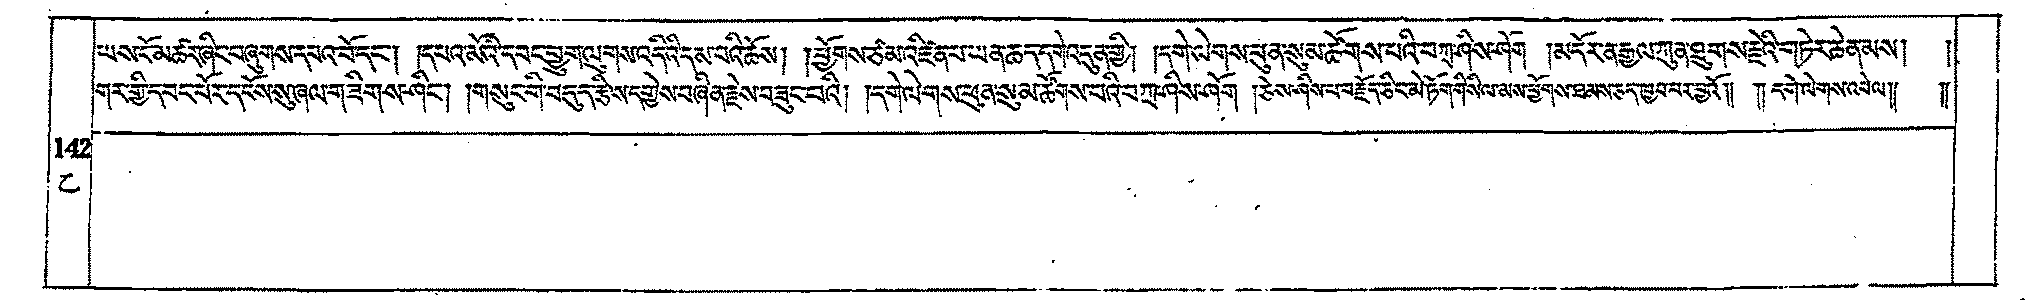ཡས་ངོ་མཚར་ཞིང་བཞུགས་དཔའ་བོ་དང་། །དཔའ་མོའི་དབང་ཕྱུག་ལུགས་འདིའི་དམ་པའི་ཆོས། །ཕྱོགས་ཙམ་འཛིན་པ་ཡན་ཆད་དགེ་འདུན་གྱི། །དགེ་ལེགས་ཕུན་སུམ་ཚོགས་པའི་བཀྲ་ཤིས་ཤོག །མདོར་ན་རྒྱལ་ཀུན་ཐུགས་རྗེའི་གཏེར་ཆེན་མས། །
གར་གྱི་དབང་པོར་དངོས་སུ་ཞལ་གཟིགས་ཤིང་། །གསུང་གི་བདུད་རྩིས་དགྱེས་བཞིན་རྗེས་བཟུང་བའི། །དགེ་ལེགས་ཕུན་སུམ་ཚོགས་པའི་བཀྲ་ཤིས་ཤོག་།ཅེས་ཤིས་པ་བརྗོད་ཅིང་མེ་ཏོག་གི་སིལ་མས་ཕྱོགས་ཐམས་ཅད་ཁྱབ་པར་བྱའོ།། །།དགེ་ལེགས་འཕེལ།། །།